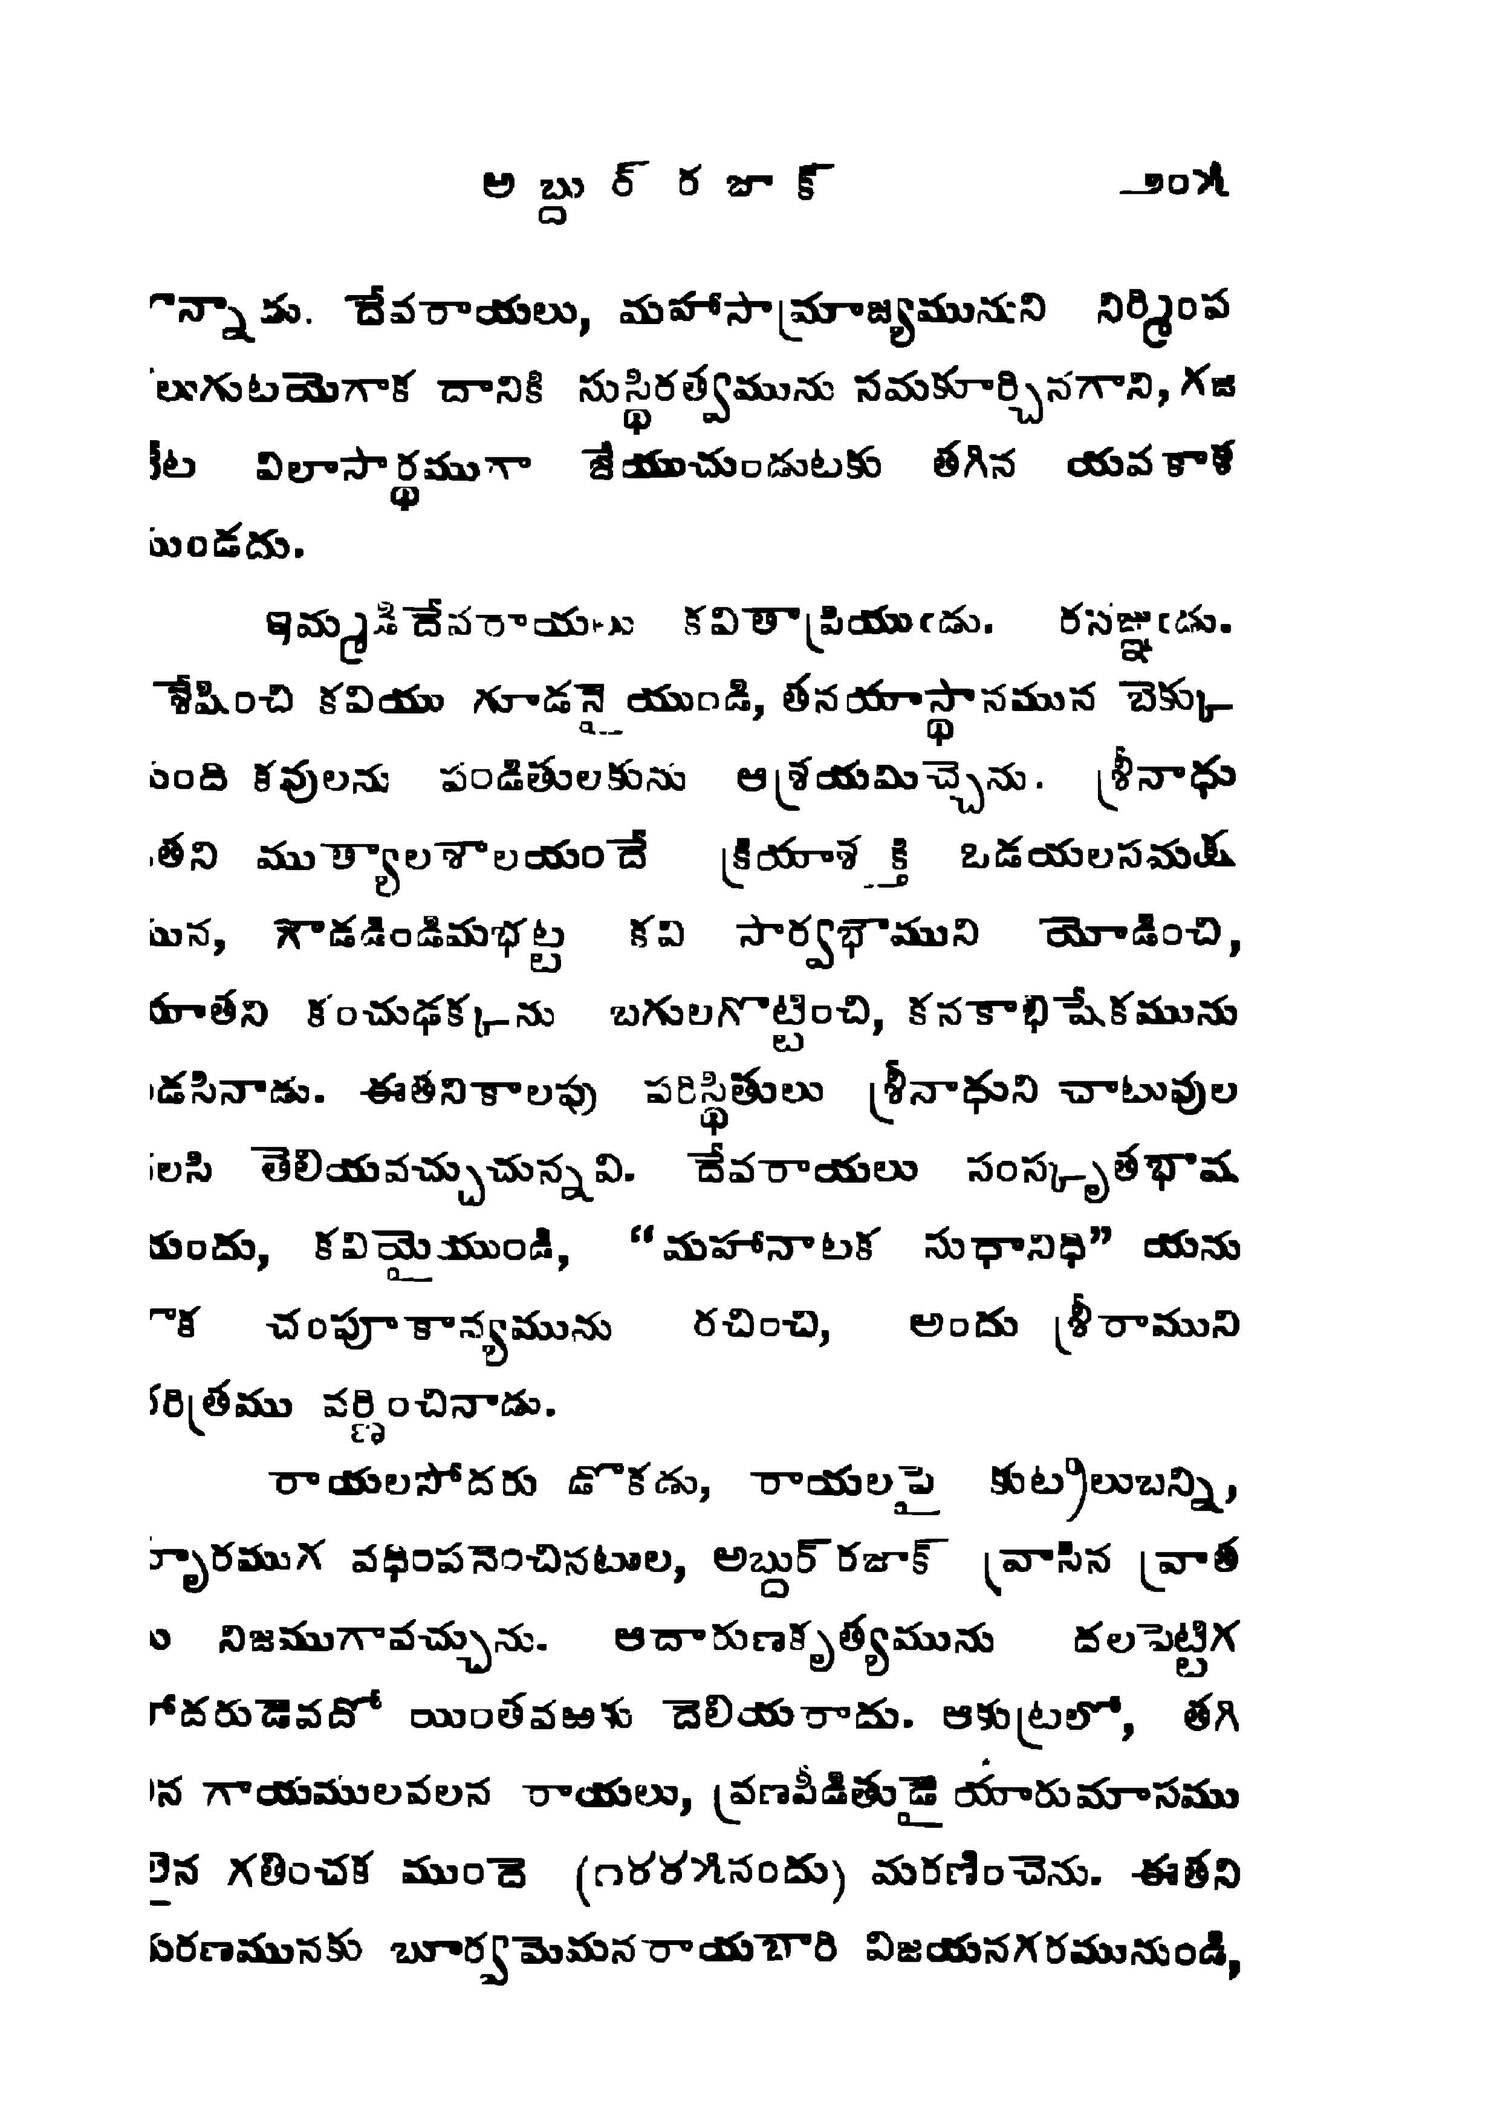కొన్నాడు. దేవరాయలు, మహాసామ్రాజ్యమునుని నిర్మింప గలుగుటయేగాక దానికి సుస్థిరత్వమును సమకూర్చినగాని, గజకీట విలాసార్థముగా జేయుచుండుటకు తగిన యవకాశముండదు.

ఇమ్మడి దేవరాయలు కవితాప్రియుడు. రసజ్ఞుడు. విశేషించి కవియు గూడనై యుండి, తనయాస్థానమున బెక్కుమంది కవులను పండితులను ఆశ్రయమిచ్చెను. శ్రీనాధుడతని ముత్యాలశాలయందే క్రియాశక్తి ఒడయల సమక్షమున, గౌడడిండిమభట్ట కవి సార్వభౌముని యోడించి, యాతని కంచుడక్కను బగులగొట్టించి, కనకాభిషేకమును బడసినాడు. ఈతనికాలపు పరిస్థితులు శ్రీనాధుని చాటువుల కలసి తెలియ వచ్చుచున్నవి. దేవరాయలు సంస్కృత భాషయందు, కవియైయుండి, "మహానాటక సుధానిధి" యనునొక చంపూ కావ్యమును రచించి, అందు శ్రీరాముని చరిత్రము వర్ణించినాడు.

రాయలసోదరు డొకడు, రాయలపై కుట్రలుబన్ని, కౄరముగ వధింపనెంచినటుల, అబ్దుర్‌రజాక్ వ్రాసిన వ్రాతలు నిజము గావచ్చును. ఆదారుణకృత్యమును దలపెట్టిగ సోదరుడెవడో యింతవఱకు దెలియరాదు. ఆకుట్రలో, తగిలిన గాయములవలన రాయలు, వ్రణపీడితుడై యారుమాసములైన గతించక ముందె (1445 నందు) మరణించెను. ఈతని మరణమునకు బూర్వమె మన రాయబారి విజయనగరము నుండి,